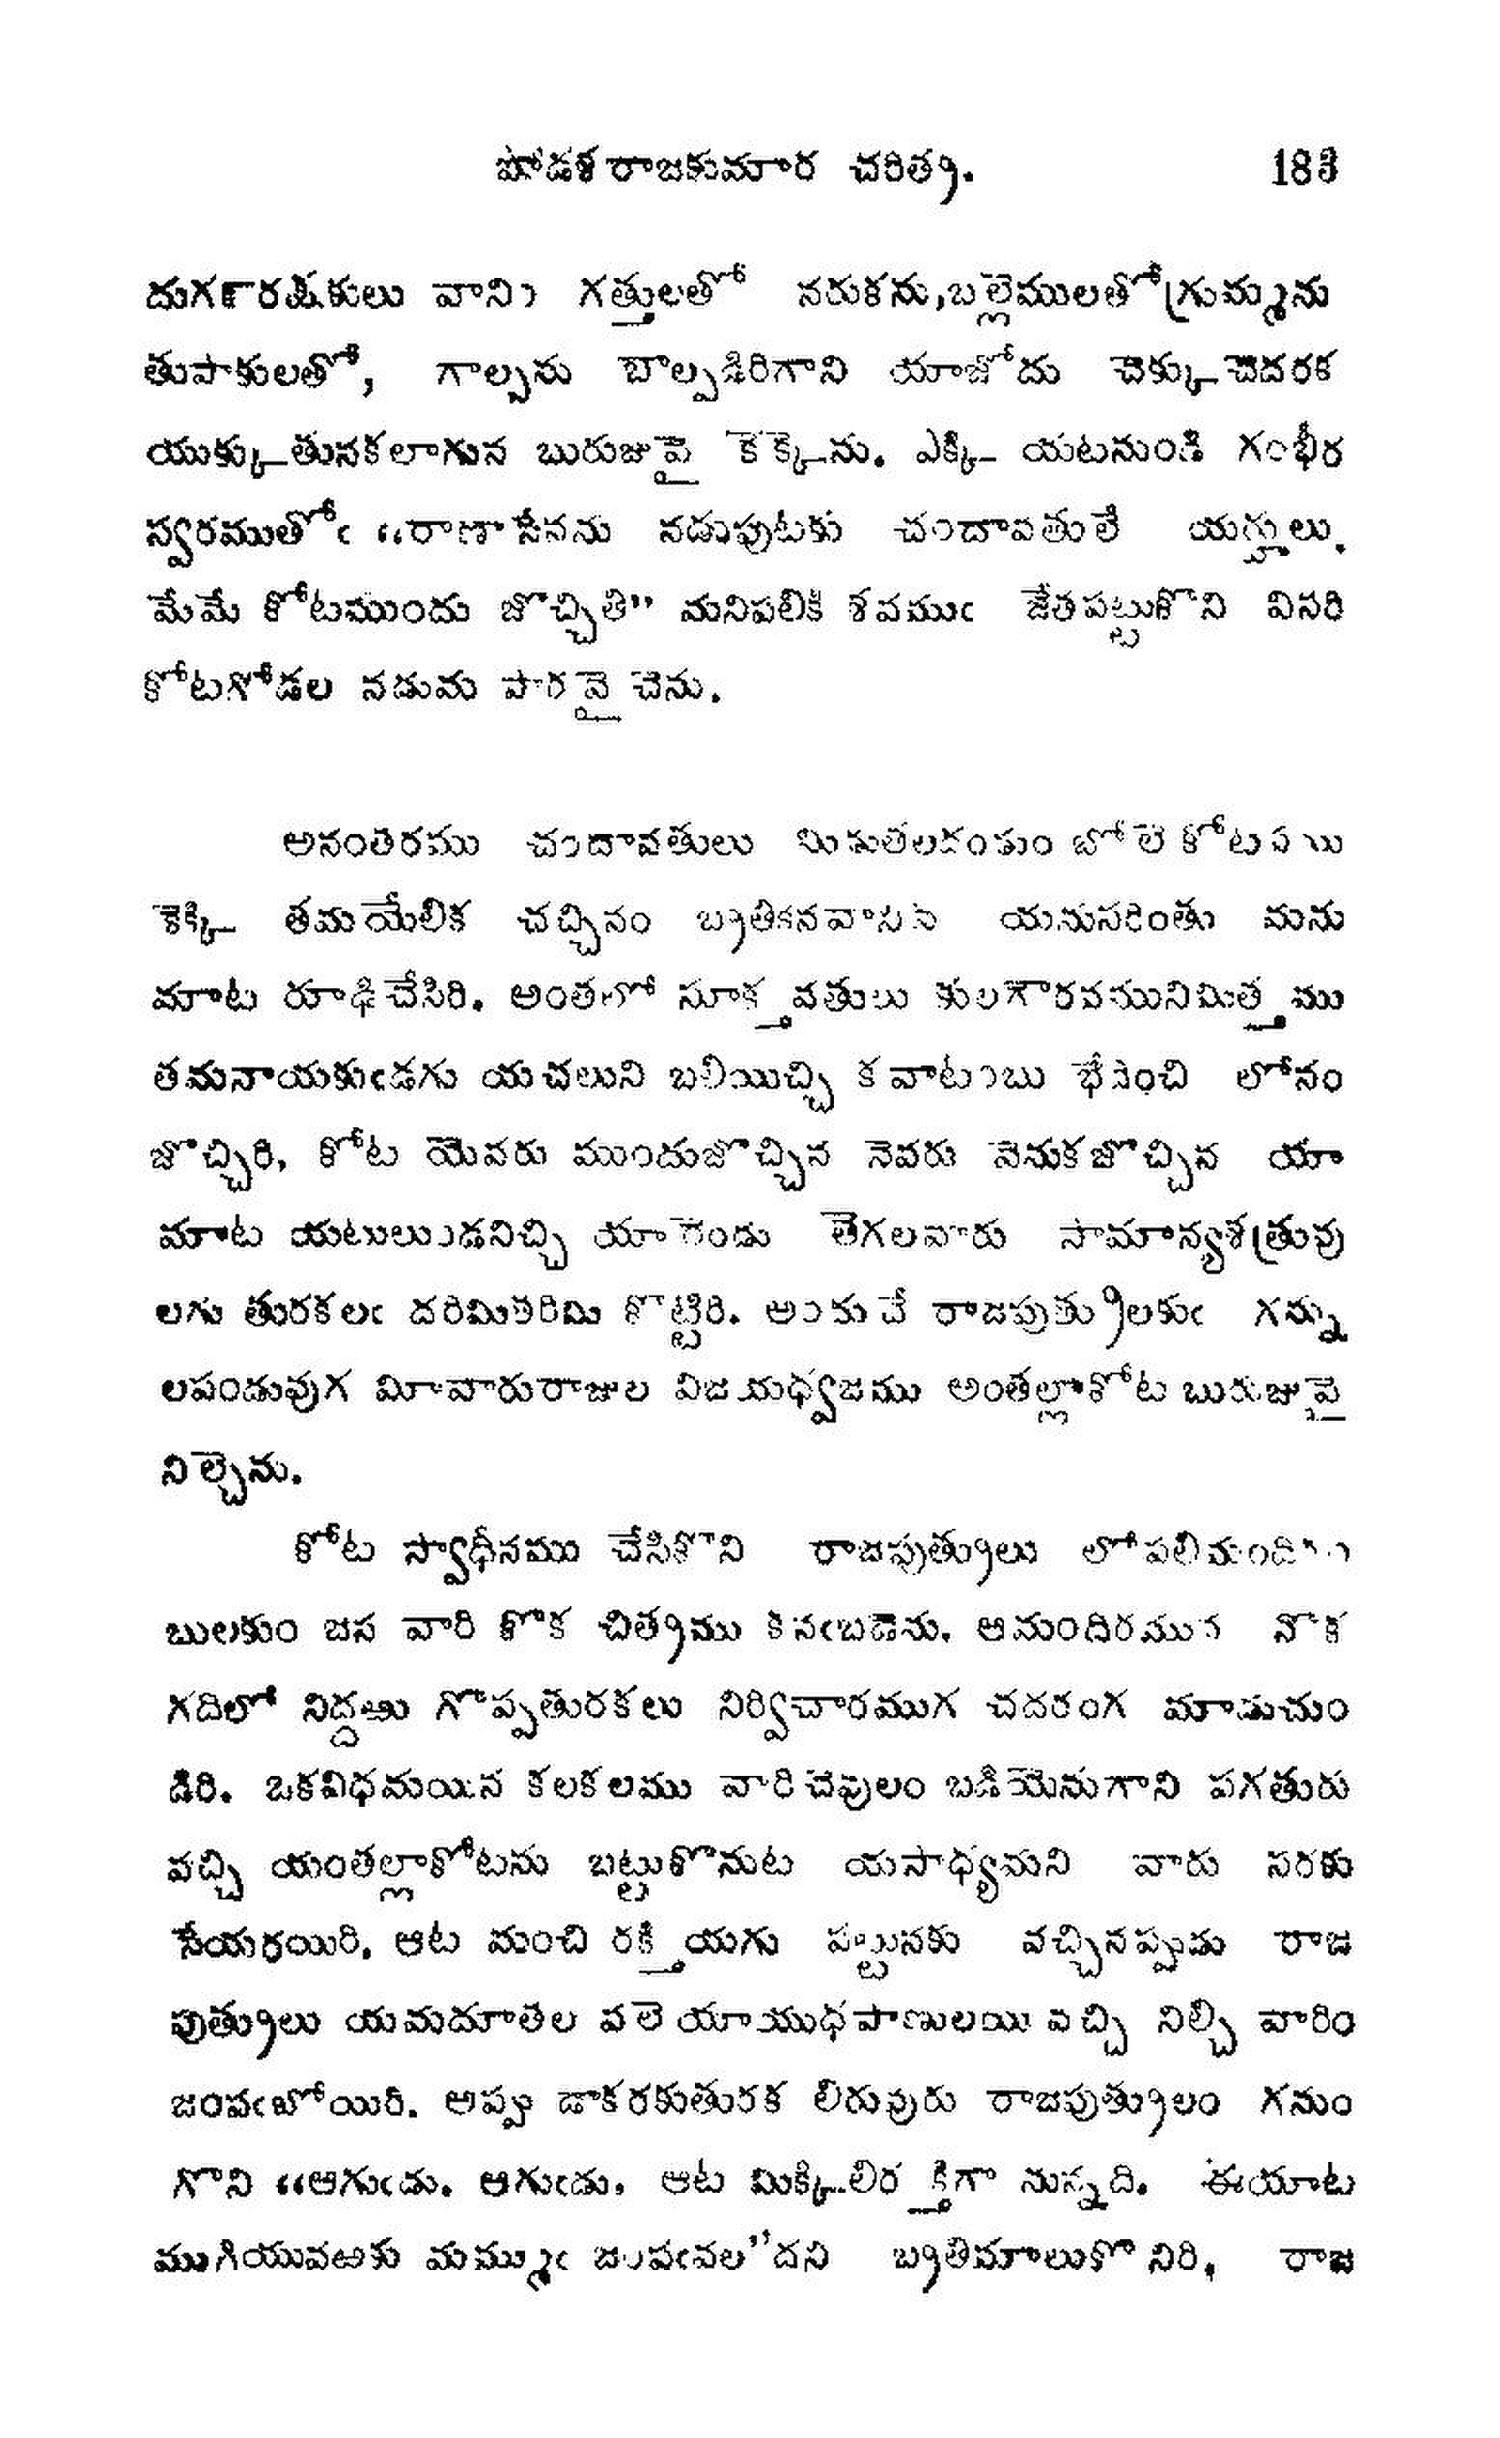దుగ౯ రక్షకులు వానిం గత్తులతో నరుకను బల్లెములతో గ్రుమ్మను తుపాకులతో, గాల్చను బాల్పడిరిగాని యాజోదు చెక్కు చెదరక యుక్కు తునక లాగున బురుజుపై కెక్కెను. ఎక్కి యటనుండి గంభీర స్వరముతోఁ "రాణా సేనను నడుపుటకు చదావతులే యర్హులు, మేమే కోటముందు జొచ్చితి” మనిపలికి శవముఁ జేత పట్టుకొని విసరి కోటగోడల నడుమ పారవైచెను.

అనంతరము చందావతులు మిడుతల దండుం బోలె కోటపయి కెక్కి తమయేలిక చచ్చినం బ్రతికిన వానినే
యనుసరింతు మనుమాట రూఢి చేసిరి, అంతలో సూక్తవతులు కుల గౌరవమునిమిత్తము తమనాయకుఁడగు యచలుని బలియిచ్చి కవాటంబు భేదించి లోనం జొచ్చిరి. కోట యెవరు ముందుజొచ్చిన నెవరు వెనుక
జొచ్చిన యామాట యటులుండనిచ్చి యా రెండు తెగలవారు సామాన్యశత్రువులగు తురకలఁ దరిమితరిమి కొట్టిరి. అందుచే రాజపుత్రులకుఁ గన్ను లపండువుగ మీవారు రాజుల విజయధ్వజము అంతల్లాకోట బురుజు పై
నిల్చెను.

కోట స్వాధీనము చేసికొని రాజపుత్రులు లోపలి మందిరంబులకుం జెన వారి కోక చిత్రము కనఁబడెను. ఆ మందిరమున నోక గదిలో నిద్దఱు గొప్పతురకలు నిర్విచారముగ చదరంగ మాడుచుండిరి. ఒకవిధమయిన కలకలము వారి చెపులం బడియెనుగాని పగతురు వచ్చి యంతల్లా కోటను బట్టుకొనుట యసాధ్యమని వారు సరకు సేయరయిరి. ఆట మంచి రక్తి యగు పట్టునకు వచ్చినప్పుడు రాజపుత్రులు యమదూతల వలె యా యుధ పాణులయి వచ్చి నిల్చి వారిం జంపఁబోయిరి. అప్పు డాకరకుతురక లిరువురు రాజపుత్రులం గనుం
గొని "ఆగుఁడు. ఆగుఁడు, ఆట మిక్కిలిరక్తిగా సున్నది. ఈయాట ముగియువఱకు మమ్ముఁ జంపవల"దని బతిమాలుకొనిరి. రాజ